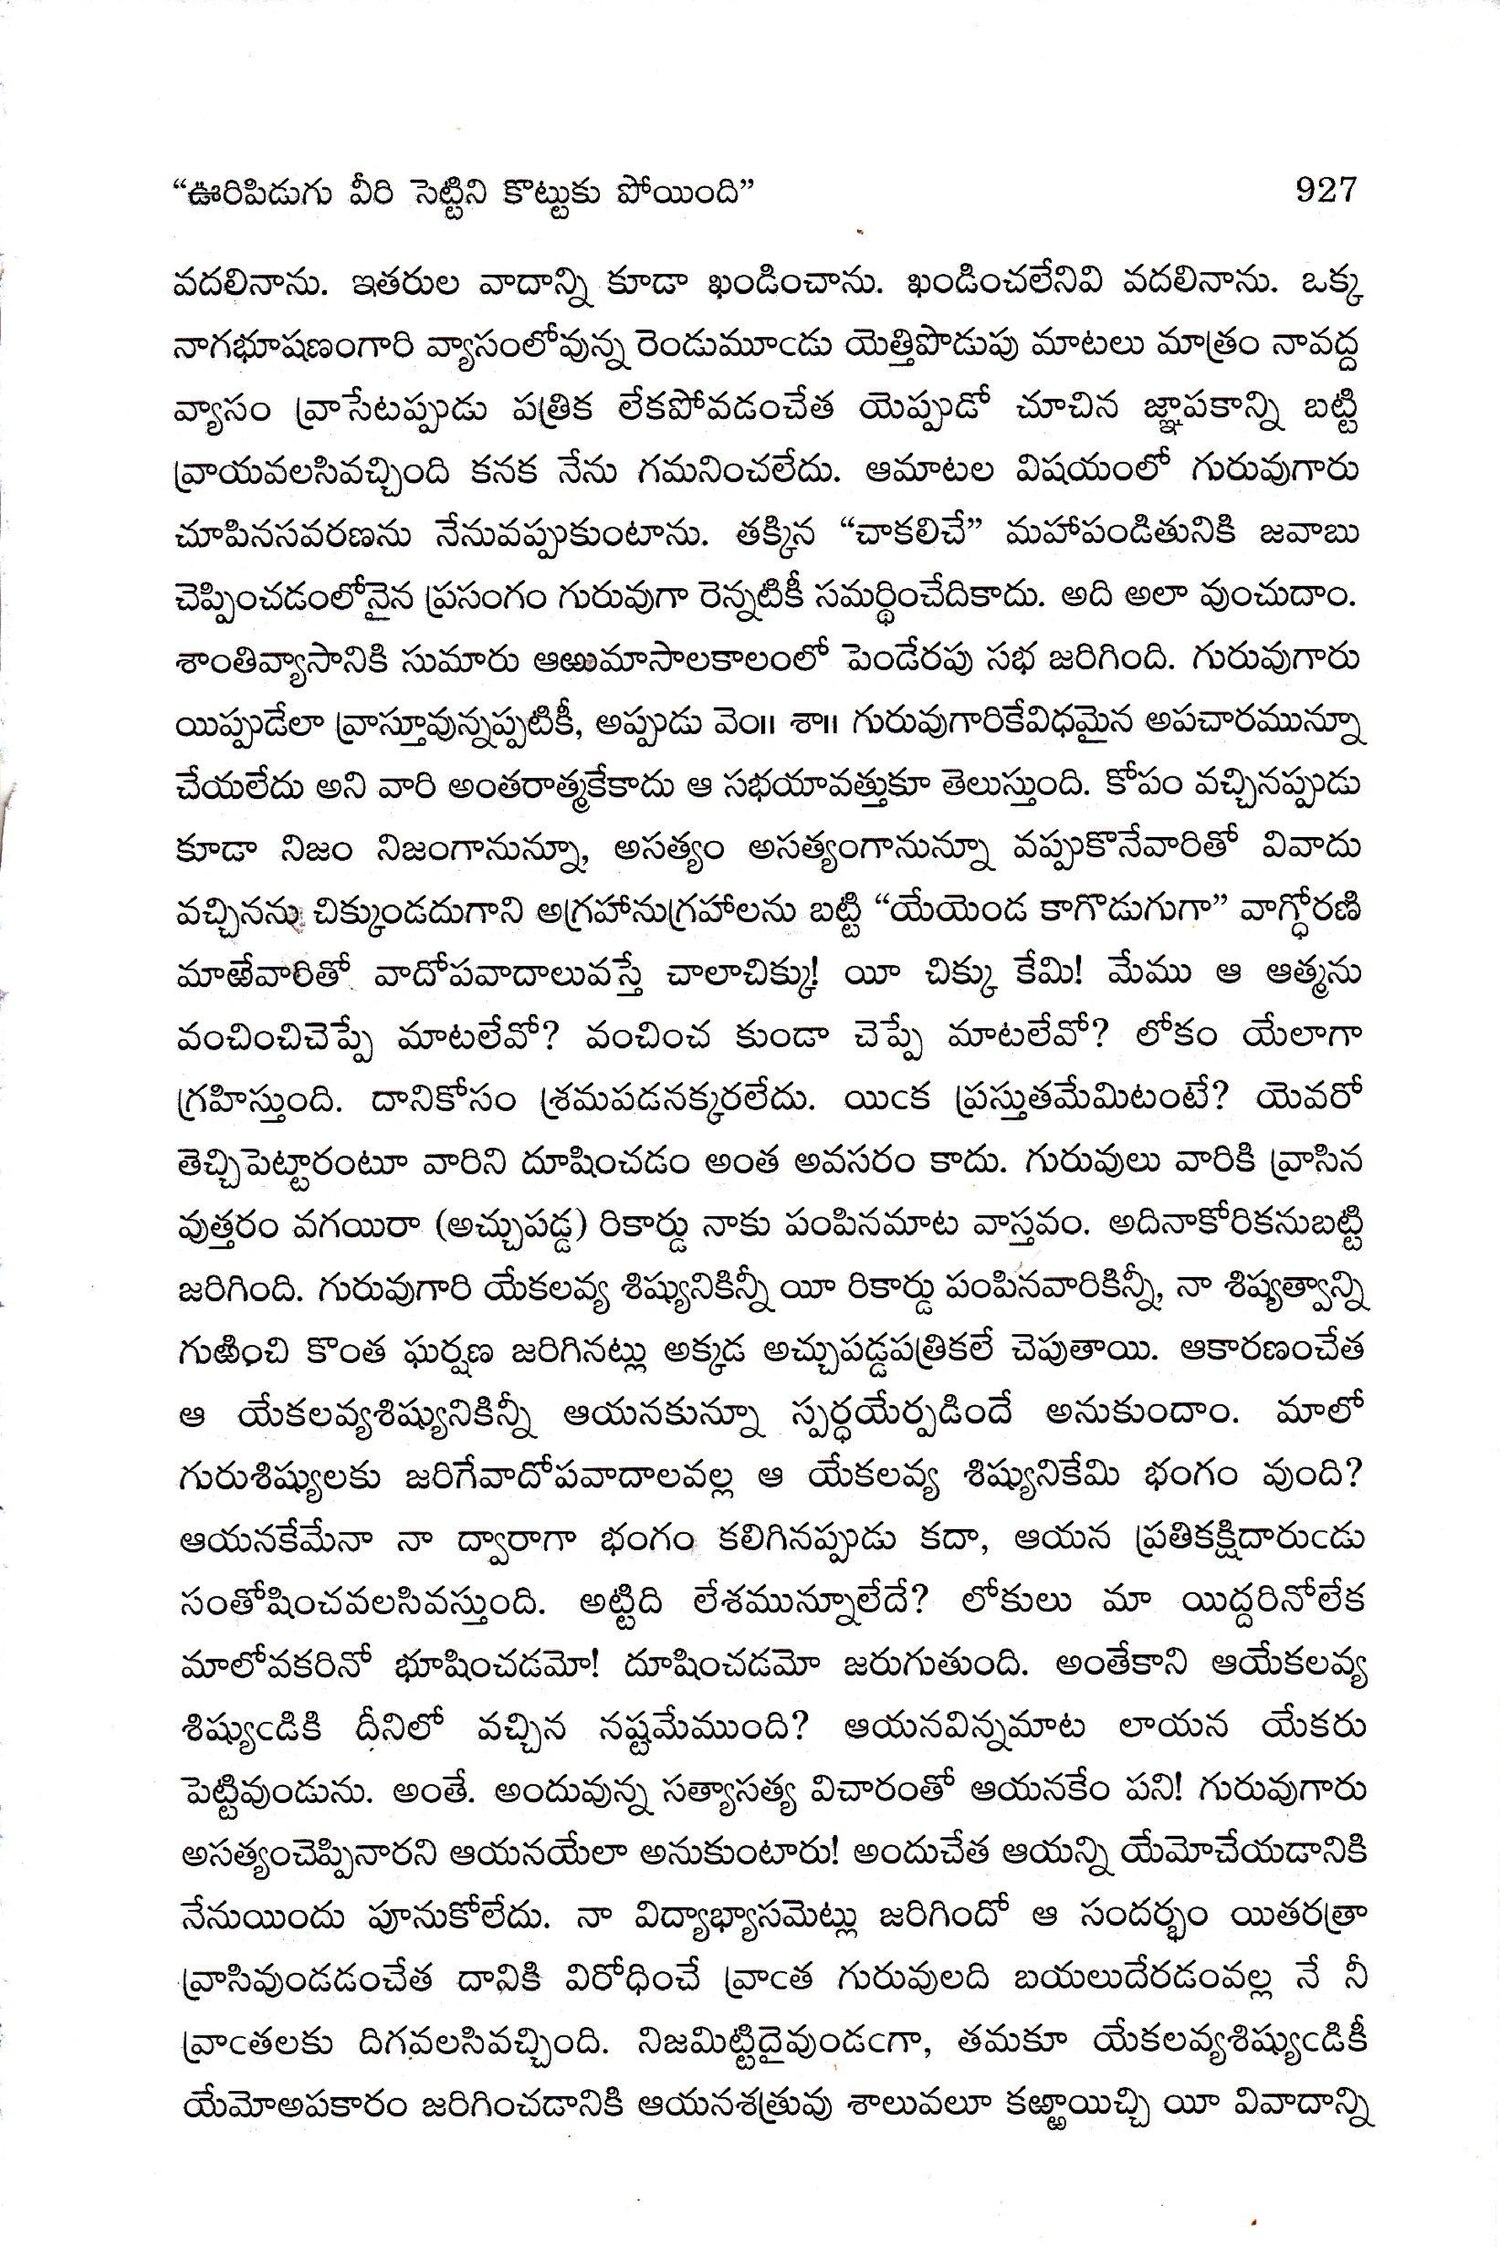వదలినాను. ఇతరుల వాదాన్ని కూడా ఖండించాను. ఖండించలేనివి వదలినాను. ఒక్క నాగభూషణంగారి వ్యాసంలోవున్న రెండుమూఁడు యెత్తిపొడుపు మాటలు మాత్రం నావద్ద వ్యాసం వ్రాసేటప్పుడు పత్రిక లేకపోవడంచేత యెప్పుడో చూచిన జ్ఞాపకాన్ని బట్టి వ్రాయవలసివచ్చింది కనక నేను గమనించలేదు. ఆమాటల విషయంలో గురువుగారు చూపినసవరణను నేనువప్పుకుంటాను. తక్కిన “చాకలిచే" మహాపండితునికి జవాబు చెప్పించడంలోనైన ప్రసంగం గురువుగా రెన్నటికీ సమర్థించేదికాదు. అది అలా వుంచుదాం. శాంతివ్యాసానికి సుమారు ఆఱుమాసాలకాలంలో పెండేరపు సభ జరిగింది. గురువుగారు యిప్పుడేలా వ్రాస్తూవున్నప్పటికీ, అప్పుడు వెంll శాII గురువుగారికేవిధమైన అపచారమున్నూ చేయలేదు అని వారి అంతరాత్మకేకాదు ఆ సభయావత్తుకూ తెలుస్తుంది. కోపం వచ్చినప్పుడు కూడా నిజం నిజంగానున్నూ, అసత్యం అసత్యంగానున్నూ వప్పుకొనేవారితో వివాదు వచ్చినను చిక్కుండదుగాని అగ్రహానుగ్రహాలను బట్టి “యేయెండ కాగొడుగుగా” వాగ్ధోరణి మాఱేవారితో వాదోపవాదాలువస్తే చాలాచిక్కు! యీ చిక్కు కేమి! మేము ఆ ఆత్మను వంచించిచెప్పే మాటలేవో ? వంచించ కుండా చెప్పే మాటలేవో? లోకం యేలాగా గ్రహిస్తుంది. దానికోసం శ్రమపడనక్కరలేదు. యిఁక ప్రస్తుతమేమిటంటే? యెవరో తెచ్చిపెట్టారంటూ వారిని దూషించడం అంత అవసరం కాదు. గురువులు వారికి వ్రాసిన వుత్తరం వగయిరా (అచ్చుపడ్డ) రికార్డు నాకు పంపినమాట వాస్తవం. అదినాకోరికనుబట్టి జరిగింది. గురువుగారి యేకలవ్య శిష్యునికిన్నీ యీ రికార్డు పంపినవారికిన్నీ నా శిష్యత్వాన్ని గుఱించి కొంత ఘర్షణ జరిగినట్లు అక్కడ అచ్చుపడ్డపత్రికలే చెపుతాయి. ఆకారణంచేత ఆ యేకలవ్యశిష్యునికిన్నీ ఆయనకున్నూ స్పర్ధయేర్పడిందే అనుకుందాం. మాలో గురుశిష్యులకు జరిగేవాదోపవాదాలవల్ల ఆ యేకలవ్య శిష్యునికేమి భంగం వుంది? ఆయనకేమేనా నా ద్వారాగా భంగం కలిగినప్పుడు కదా, ఆయన ప్రతికక్షిదారుఁడు సంతోషించవలసివస్తుంది. అట్టిది లేశమున్నూలేదే? లోకులు మా యిద్దరినోలేక మాలోవకరినో భూషించడమో! దూషించడమో జరుగుతుంది. అంతేకాని ఆయేకలవ్య శిష్యుఁడికి దీనిలో వచ్చిన నష్టమేముంది? ఆయనవిన్నమాట లాయన యేకరు పెట్టివుండును. అంతే. అందువున్న సత్యాసత్య విచారంతో ఆయనకేం పని! గురువుగారు అసత్యంచెప్పినారని ఆయనయేలా అనుకుంటారు! అందుచేత ఆయన్నియేమోచేయడానికి నేనుయిందు పూనుకోలేదు. నా విద్యాభ్యాసమెట్లు జరిగిందో ఆ సందర్భం యితరత్రా వ్రాసివుండడంచేత దానికి విరోధించే వ్రాఁత గురువులది బయలుదేరడంవల్ల నే నీ వ్రాఁతలకు దిగవలసివచ్చింది. నిజమిట్టిదైవుండఁగా, తమకూ యేకలవ్యశిష్యుఁడికీ యేమోఅపకారం జరిగించడానికి ఆయనశత్రువు శాలువలూ కఱ్ఱాయిచ్చి యీ వివాదాన్ని